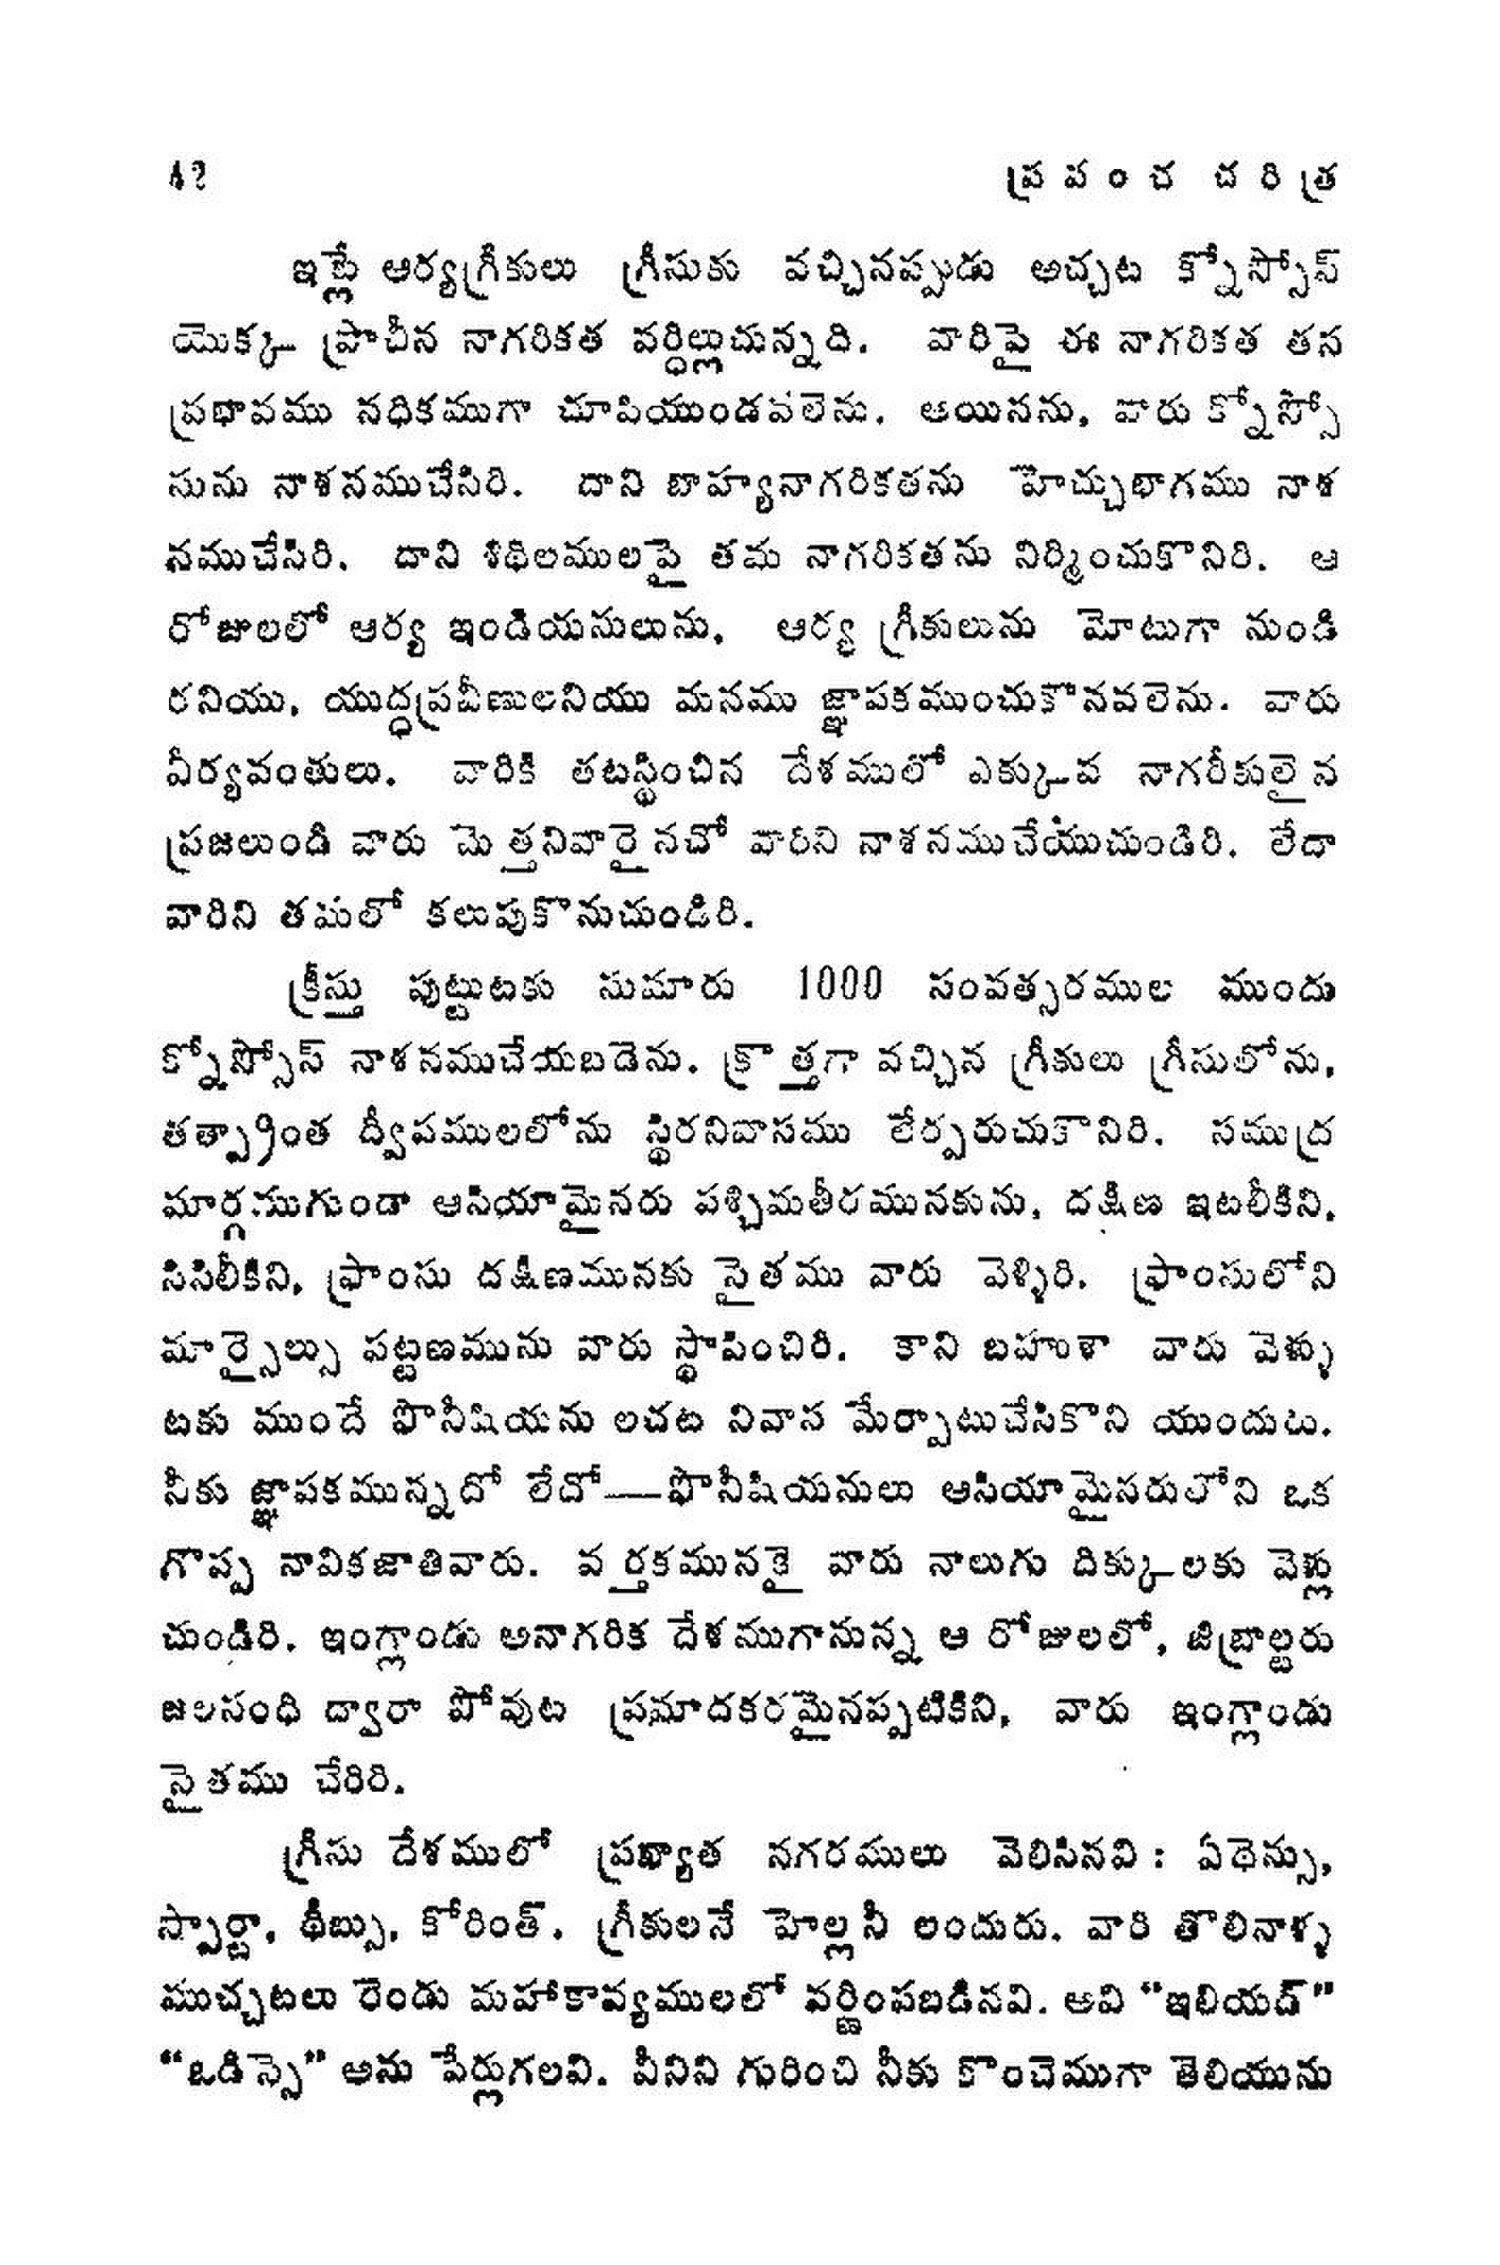ఇట్లే ఆర్యగ్రీకులు గ్రీసుకు వచ్చినప్పుడు అచ్చట క్నోస్సోస్ యొక్క ప్రాచీన నాగరికత వర్దిల్లుచున్నది. వారిపై ఈ నాగరికత తన ప్రభావము నధికముగా చూపియుండవలెను. అయినను, వారు క్నోస్సోసును నాశనముచేసిరి. దాని బాహ్యనాగరికతను హెచ్చుభాగము నాశనముచేసిరి. దాని శిథిలములపై తమ నాగరికతను నిర్మించుకొనిరి. ఆ రోజులలో ఆర్య ఇండియనులును, ఆర్య గ్రీకులును మోటుగా నుండి రనియు, యుద్ధప్రవీణులనియు మనము జ్ఞాపకముంచుకొనవలెను. వారు వీర్యవంతులు. వారికి తటస్థించిన దేశములో ఎక్కువ నాగరీకులైన ప్రజలుండి వారు మెత్తనివారైనచో వారిని నాశనము చేయుచుండిరి. లేదా వారిని తమలో కలుపుకొనుచుండిరి.

క్రీస్తు పుట్టుటకు సుమారు 1000 సంవత్సరముల ముందు క్నోస్సోస్ నాశనముచేయబడెను. క్రొత్తగా వచ్చిన గ్రీకులు గ్రీసులోను, తత్ప్రాంత ద్వీపములలోను స్థిరనివాసము లేర్పరుచుకొనిరి. సముద్ర మార్గముగుండా ఆసియామైనరు పశ్చిమతీరమునకును, దక్షిణ ఇటలీకిని, సిసిలీకిని. ఫ్రాంసు దక్షిణమునకు సైతము వారు వెళ్ళిరి. ఫ్రాంసులోని మార్సైల్సు పట్టణమును వారు స్థాపించిరి. కాని బహుశా వారు వెళ్ళు టకు ముందే ఫొనీషియను లచట నివాస మేర్పాటుచేసికొని యుందురు. నీకు జ్ఞాపకమున్నదో లేదో.. ఫొనీషియనులు ఆసియా మైనరులోని ఒక గొప్ప నావికజాతివారు. వర్తకమునకై వారు నాలుగు దిక్కులకు వెళ్లు చుండిరి. ఇంగ్లాండు అనాగరిక దేశముగానున్న ఆ రోజులలో, జిబ్రాల్టరు జలసంధి ద్వారా పోవుట ప్రమాదకరమైనప్పటికిని, వారు ఇంగ్లాండు సైతము చేరిరి.

గ్రీసు దేశములో ప్రఖ్యాత నగరములు వెలిసినవి : ఏథెన్సు, స్పార్టా, థీబ్సు, కోరింత్. గ్రీకులనే హెల్లనీ లందురు. వారి తొలినాళ్ళ ముచ్చటలు రెండు మహాకావ్యములలో వర్ణింపబడినవి. అవి "ఇలియడ్" “ఓడిస్సె" అను పేర్లుగలవి. వీనిని గురించి నీకు కొంచెముగా తెలియును